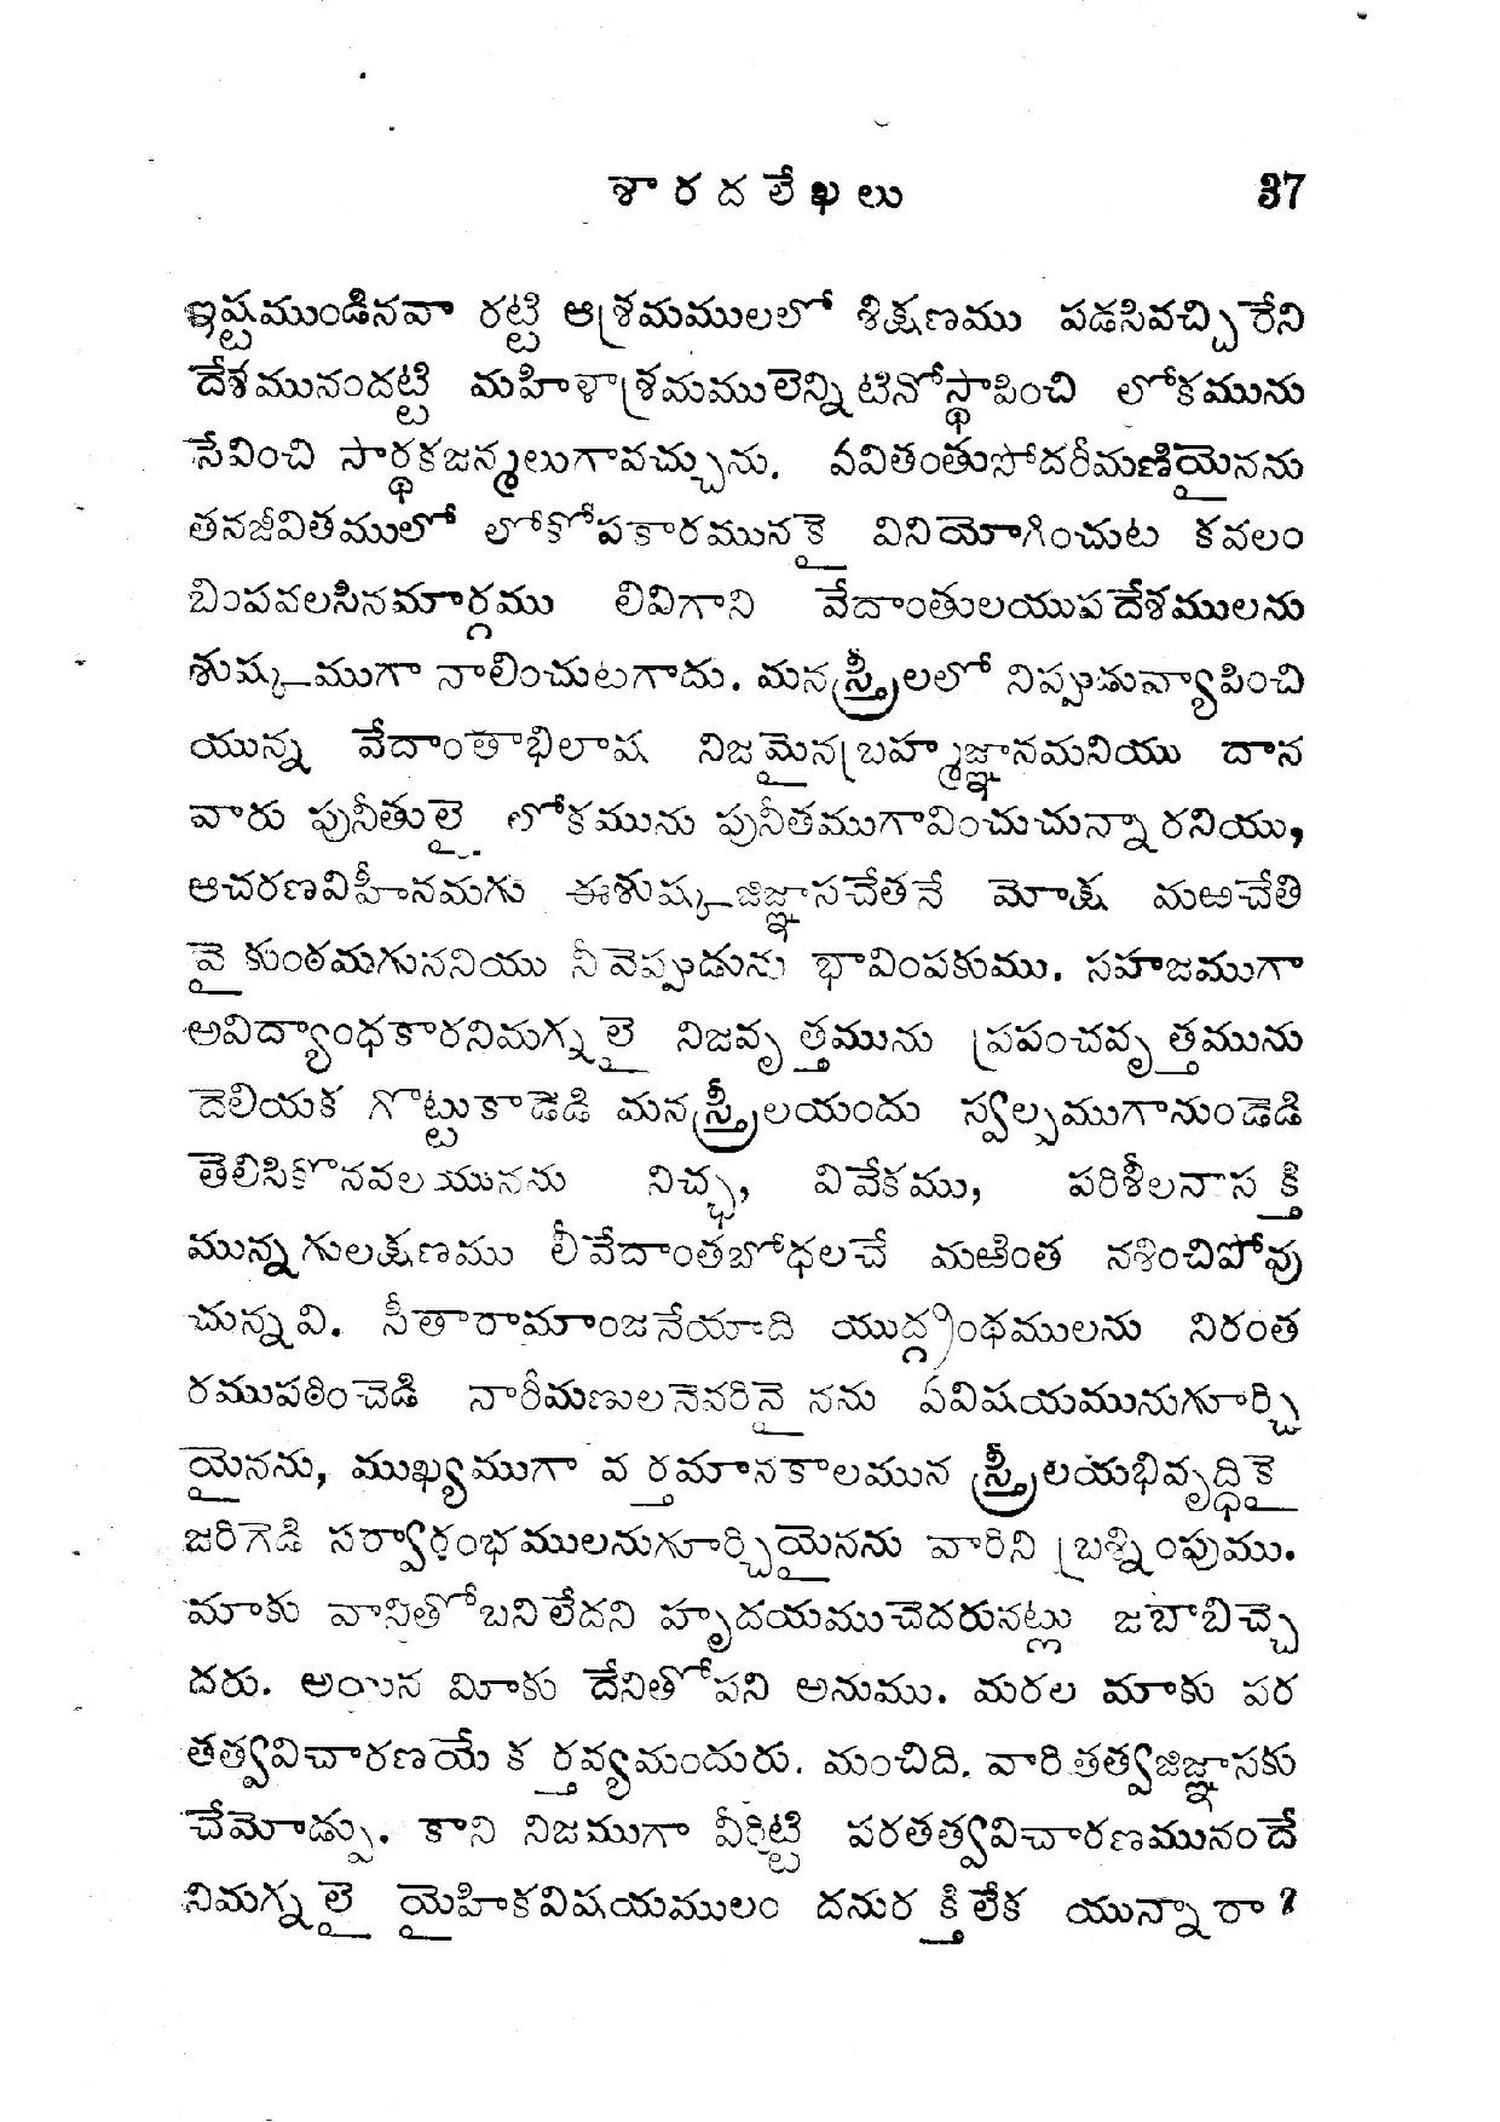ఇష్టముండినవా రట్టి ఆశ్రమములలో శిక్షణము పడసివచ్చి రేని
దేశమునందట్టి మహిళాశ్రమము లెన్నిటినో స్థాపించి లోకమును
సేవించి సార్థకజన్మలుగావచ్చును. వవితంతు సోదరీమణియైనను
తనజీవితములో లోకోపకారమునకై వినియోగించుట కవలం
బింపవలసిన మార్గము లివిగాని వేదాంతులయుప దేశములను
శుష్కముగా నాలించుటగాదు. మనస్త్రీలలో నిప్పుడు వ్యాపించి
యున్న వేదాంతాభిలాష నిజమైన బ్రహ్మజ్ఞానమనియు దాన
వారు పునీతులై లోకమును పునీతముగావించుచున్నారనియు,
ఆచరణవిహీనమగు ఈశుష్క జిజ్ఞాసచేతనే మోక్ష మఱచేతి
వైకుంఠమగుననియు నీ వెప్పుడును భావింపకుము. సహజముగా
అవిద్యాంధకార నిమగ్నలై నిజవృత్తమును ప్రపంచవృత్తమును
దెలియక గొట్టుకాడెడి మనస్త్రీలయందు స్వల్పముగానుండెడి
తెలిసికొనవలయునను నిచ్ఛ, వివేకము, పరిశీలనాసక్తి 
మున్న గులక్షణము లీవేదాంతబోధలచే మఱింత నశించిపోవు
చున్నవి. సీతారామాంజనేయాది యుద్గ్రంథములను నిరంత
రముపఠించెడి నారీమణులనెవరినైనను ఏవిషయమును గూర్చి
యైనను, ముఖ్యముగా వ ర్తమానకాలమున స్త్రీలయభివృద్ధికై
జరిగెడి సర్వారంభములను గూర్చియైనను వారిని బ్రశ్నింపుము.
మాకు వానితో బని లేదని హృదయము చెదరునట్లు జబాబిచ్చె
దరు. అయిన మీకు దేనితోపని అనుము. మరల మాకు పర
తత్వవిచారణయే కర్తవ్యమందురు. మంచిది. వారి తత్వజిజ్ఞాసకు
చేమోడ్పు. కాని నిజముగా వీరిట్టి పరతత్వవిచారణమునందే
నిమగ్నలై యైహికవిషయములం దనురక్తిలేక యున్నారా?